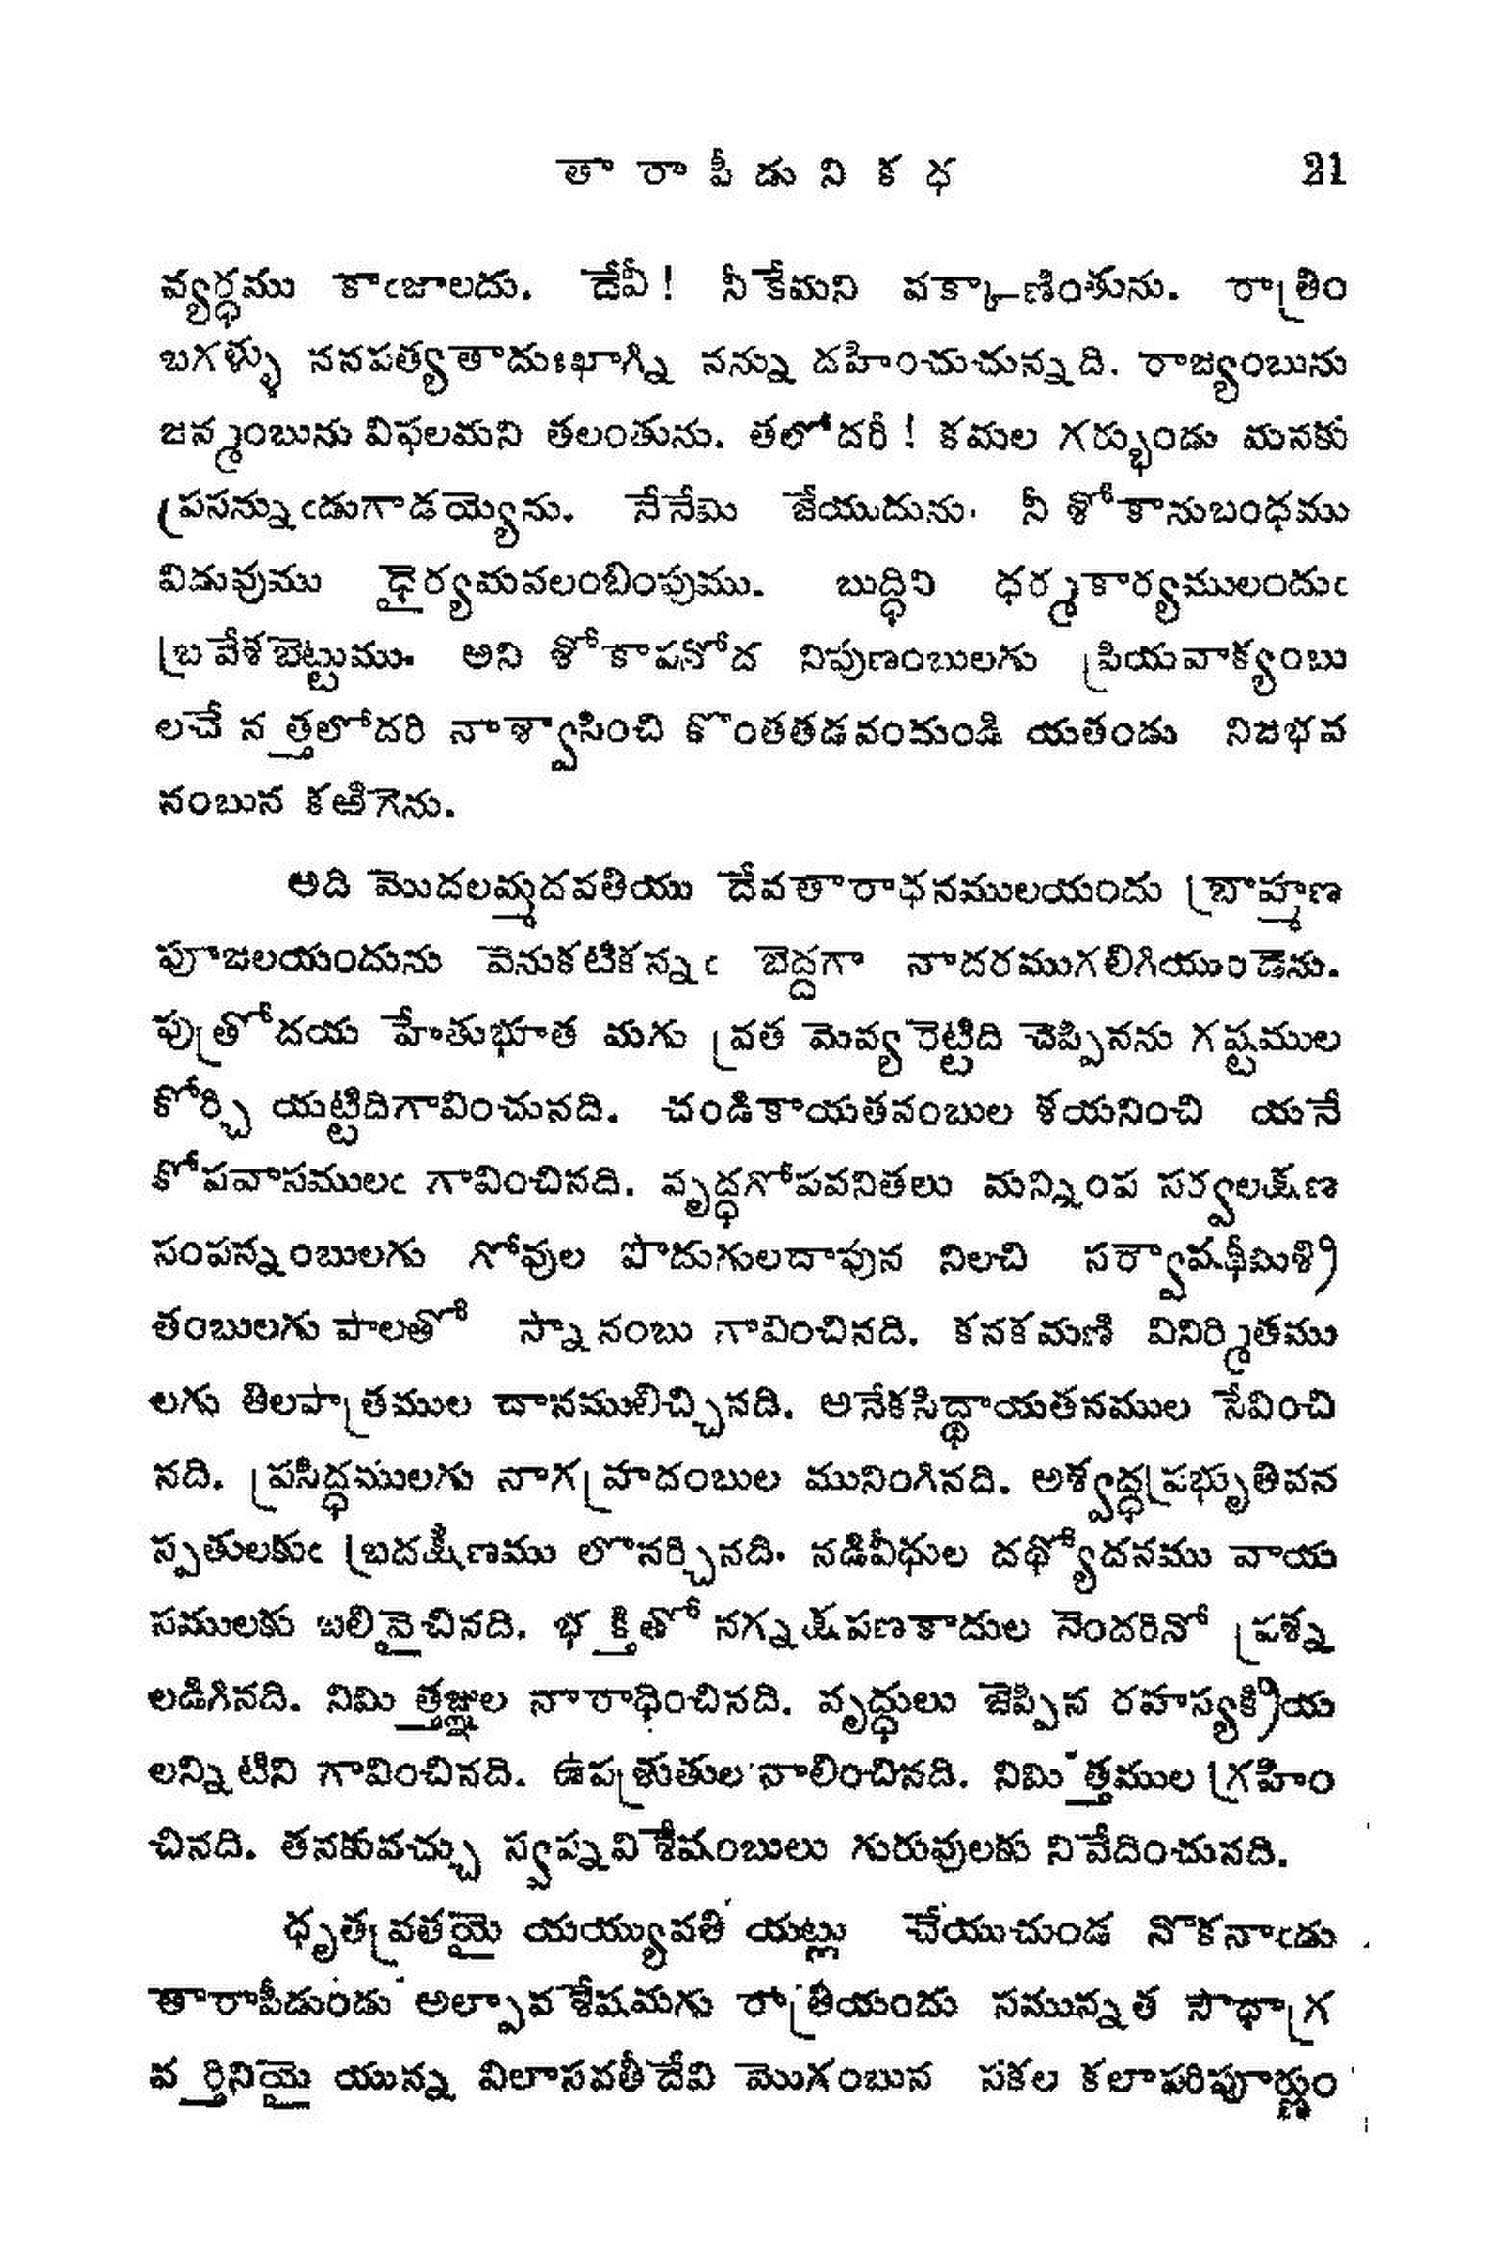వ్యర్ధము కాఁజాలదు. దేవీ! నీకేమని వక్కాణింతును. రాత్రింబగళ్ళు ననపత్యతాదుఃఖాగ్ని నన్ను దహించుచున్నది. రాజ్యంబును జన్మంబును విఫలమని తలంతును. తలోదరీ! కమల గర్భుండు మనకు ప్రసన్నుఁడుగాడయ్యెను. నేనేమి జేయుదును. నీ శోకానుబంధము విడువుము ధైర్యమవలంబింపుము. బుద్ధిని ధర్మకార్యములందుఁ బ్రవేశబెట్టుము. అని శోకాపనోద నిపుణంబులగు ప్రియవాక్యంబులచే నత్తలోదరి నాశ్వాసించి కొంతతడనందుండి యతండు నిజభవనంబున కఱిగెను.

అది మొదలమ్మదవతియు దేవతారాధనములయందు బ్రాహ్మణ పూజలయందును వెనుకటికన్నఁ బెద్దగా నాదరముగలిగియుండెను. పుత్రోదయ హేతుభూత మగు వ్రత మెవ్య రెట్టిది చెప్పినను గష్టముల కోర్చి యట్టిదిగావించునది. చండికాయతనంబుల శయనించి యనేకోపవాసములఁ గావింవినది. వృద్ధగోపవనితలు మన్నింప సర్వలక్షణ సంపన్నంబులగు గోవుల పొదుగులదాపున నిలచి సర్వౌషథీమిశ్రితంబులగు పాలతో స్నానంబు గావించినది. కనకమణి వినిర్మితములగు తిలపాత్రముల దానములిచ్చినది. అనేకసిద్థాయతనముల సేవించినది. ప్రసిద్ధములగు నాగహ్రదంబుల మునింగినది. అశ్వద్ధప్రభృతివనస్పతులకుఁ బ్రదక్షిణము లొనర్చినది. నడివీధుల దథ్యోదనము వాయసములకు బలివైచినది. భక్తితో నగ్నక్షపణకాదుల నెందరినో ప్రశ్నలడిగినది. నిమిత్తజ్ఞుల నారాధించినది. వృద్ధులు జెప్పిన రహస్యక్రియలన్నిటిని గావించినది. ఉపశ్రుతుల నాలించినది. నిమిత్తముల గ్రహించినది. తనకువచ్చు స్వప్నవిశేషంబులు గురువులకు నివేదించునది.

ధృతవ్రతయై యయ్యువతి యట్లు చేయుచుండ నొకనాఁడు తారాపీడుండు అల్పావశేషమగు రాత్రియందు సమున్నత సౌధాగ్ర వర్తినియై యున్న విలాసవతీదేవి మొగంబున సకల కలాపరిపూర్ణుం